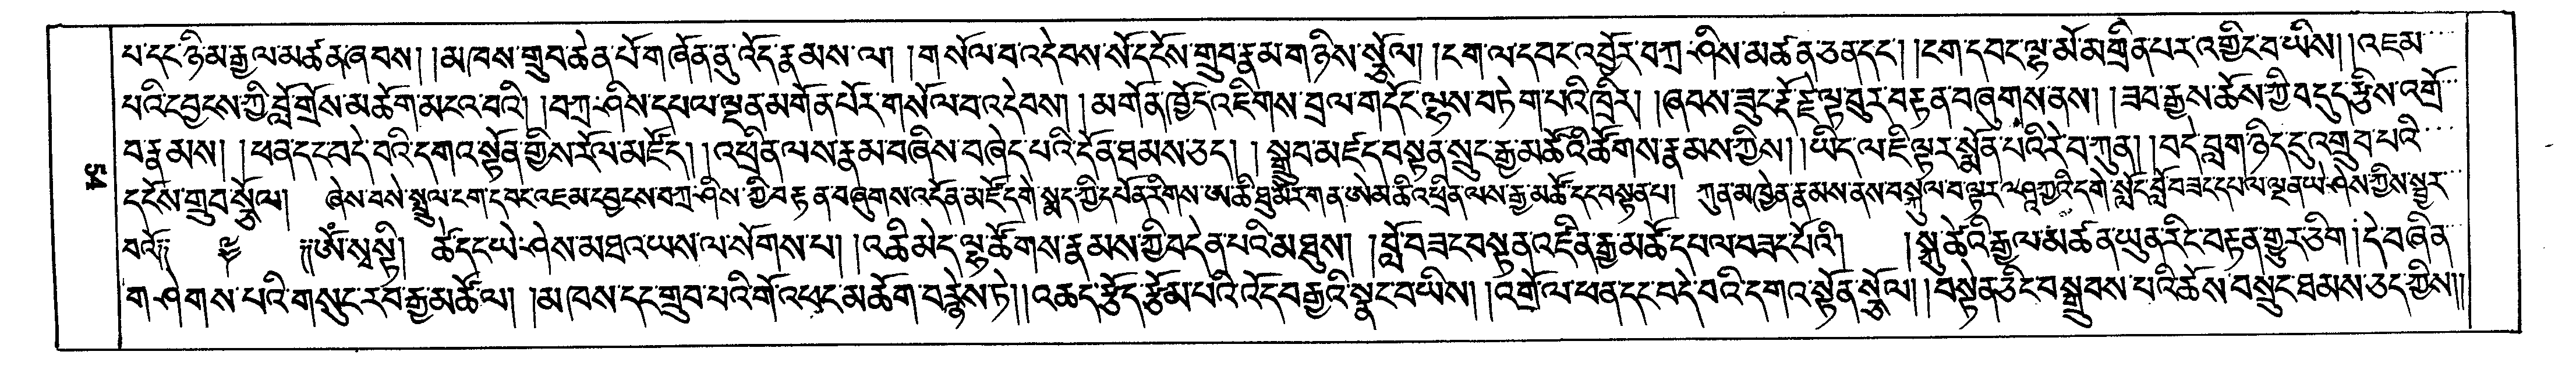པ་དང་ཉི་མ་རྒྱལ་མཚན་ཞབས། །མཁས་གྲུབ་ཆེན་པོ་གཞོན་ནུ་འོད་རྣམས་ལ། །གསོལ་བ་འདེབས་སོ་དངོས་གྲུབ་རྣམ་གཉིས་སྩོལ། །ངག་ལ་དབང་འབྱོར་བཀྲ་ཤིས་མཚན་ཅན་དང་། །ངག་དབང་ལྷ་མོ་མགྲིན་པར་འགྱིང་བ་ཡིས། །འཇམ་
པའི་དབྱངས་ཀྱི་བློ་གྲོས་མཆོག་མངའ་བའི། །བཀྲ་ཤིས་དཔལ་ལྡན་མགོན་པོར་གསོལ་བ་འདེབས། །མགོན་ཁྱོད་འཇིགས་བྲལ་གདོང་ལྔས་བཏེག་པའི་ཁྲིར། །ཞབས་ཟུང་རྡོ་རྗེ་ལྟ་བུར་བརྟན་བཞུགས་ནས། །ཟབ་རྒྱས་ཆོས་ཀྱི་བདུད་རྩིས་འགྲོ་
བརྣམས། །ཕན་དང་བདེ་བའི་དགའ་སྟོན་གྱིས་རོལ་མཛོད། །འཕྲིན་ལས་རྣམ་བཞིས་བཞེད་པའི་དོན་ཐམས་ཅད། །སྒྲུབ་མཛད་བསྟན་སྲུང་རྒྱ་མཚོའི་ཚོགས་རྣམས་ཀྱིས། །ཡིད་ལ་ཇི་ལྟར་སྨོན་པའི་རེ་བ་ཀུན། །བདེ་བླ་གཉིད་དུ་འགྲུབ་པའི་
དངོས་གྲུབ་སྩོལ། ཞེས་བསེ་སྤྲུལ་ངག་དབང་འཇམ་དབྱངས་བཀྲ་ཤིས་ཀྱི་བརྟན་བཞུགས་འདི་ནི་མཛོ་དགེ་སྨད་ཀྱི་དཔོན་རིགས་ཨ་ཆི་ཐུ་མེར་གན་ཨེམ་ཆི་འཕྲིན་ལས་རྒྱ་མཚོ་དང་བསྟན་པ། ཀུན་མཁྱེན་རྣམས་ནས་བསྐུལ་བལྟར ༧ཤཱཀྱའི་དགེ་སློང་བློ་བཟང་དཔལ་ལྡན་ཡེ་ཤེས་ཀྱིས་སྦྱར་
བའོ༑༑ ༈ ༑༑ཨོཾ་སྭསྟི། ཚེ་དང་ཡེ་ཤེས་མཐའ་ཡས་ལ་སོགས་པ། །འཆི་མེད་ལྷ་ཚོགས་རྣམས་ཀྱི་བདེན་པའི་མཐུས། །བློ་བཟང་བསྟན་འཛིན་རྒྱ་མཚོ་དཔལ་བཟང་པོའི། །སྐུ་ཚེའི་རྒྱལ་མཚན་ཡུན་རིང་བརྟན་གྱུར་ཅིག། དེ་བཞིན་
གཤེགས་པའི་གསུང་རབ་རྒྱ་མཚོ་ལ། །མཁས་དང་གྲུབ་པའི་གོ་འཕང་མཆོག་བརྙེས་ཏེ། །འཆད་རྩོད་རྩོམ་པའི་འོད་བརྒྱའི་སྣང་བ་ཡིས། །འགྲོ་ལ་ཕན་དང་བདེ་བའི་དགའ་སྟོན་སྩོལ། །བསྟེན་ཅིང་བསྒྲུབས་པའི་ཆོས་བསྲུང་ཐམས་ཅད་ཀྱིས།།